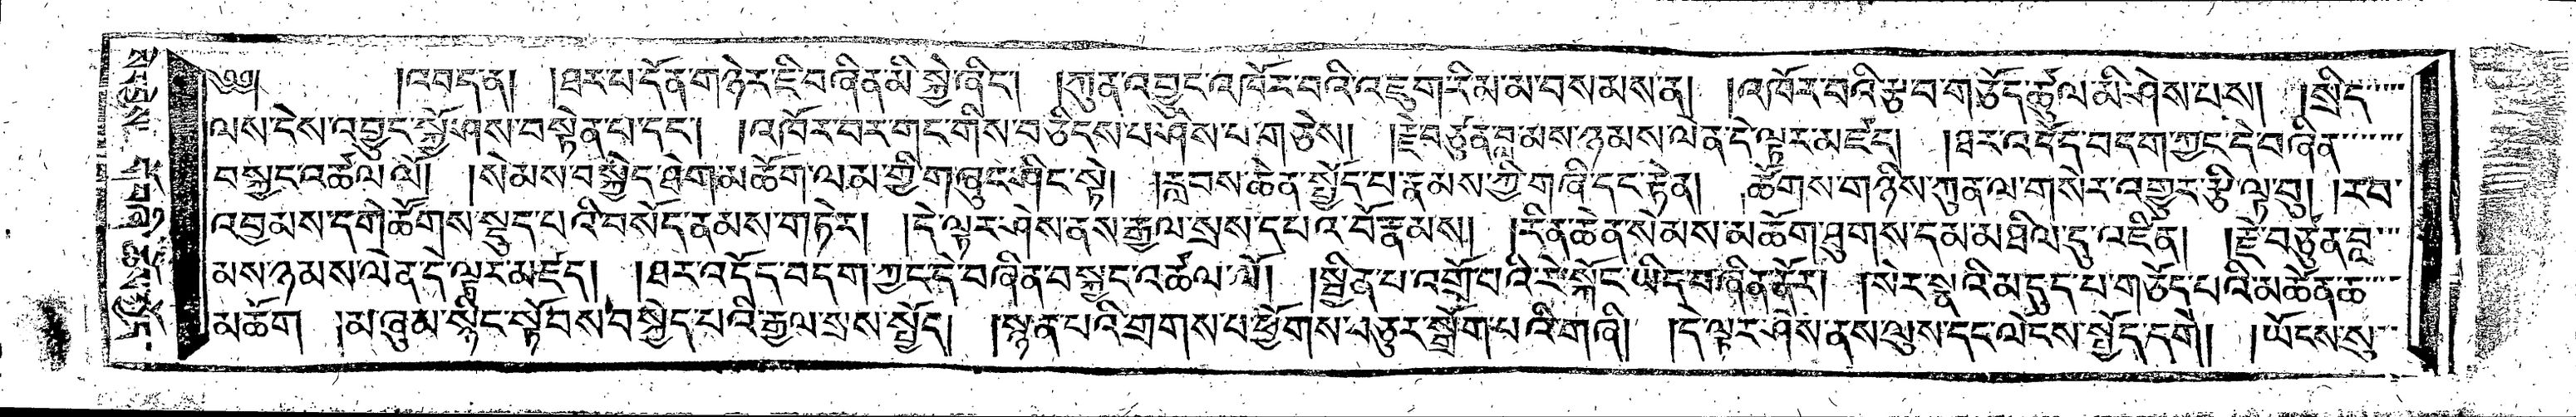༄༅། །འབད་ན། །ཐར་པ་དོན་གཉེར་ཇི་བཞིན་མི་སྐྱེ་ཞིང་། །ཀུན་འབྱུང་འཁོར་བའི་འཇུག་རིམ་མ་བསམས་ན། །འཁོར་བའི་རྩ་བ་གཅོད་ཚུལ་མི་ཤེས་པས། །སྲིད་
ལས་ངེས་འབྱུང་སྐྱོ་ཤས་བསྟེན་པ་དང་། །འཁོར་བར་གང་གིས་བཅིངས་པ་ཤེས་པ་གཅེས། །རྗེ་བཙུན་བླ་མས་ཉམས་ལེན་དེ་ལྟར་མཛད། །ཐར་འདོད་བདག་ཀྱང་དེ་བཞིན་
བསྐྱང་འཚལ་ལོ། །སེམས་བསྐྱེད་ཐེག་མཆོག་ལམ་གྱི་གཞུང་ཤིང་སྟེ། །རླབས་ཆེན་སྤྱོད་པ་རྣམས་ཀྱི་གཞི་དང་རྟེན། །ཚོགས་གཉིས་ཀུན་ལ་གསེར་འགྱུར་རྩི་ལྟ་བུ། །རབ་
འབྱམས་དགེ་ཚོགས་སྡུད་པའི་བསོད་ནམས་གཏེར། །དེ་ལྟར་ཤེས་ནས་རྒྱལ་སྲས་དཔའ་བོ་རྣམས། །རིན་ཆེན་སེམས་མཆོག་ཐུགས་དམ་མཐིལ་དུ་འཛིན། །རྗེ་བཙུན་བླ་
མས་ཉམས་ལེན་དེ་ལྟར་མཛད། །ཐར་འདོད་བདག་ཀྱང་དེ་བཞིན་བསྐྱང་འཚལ་ལོ། །སྦྱིན་པ་འགྲོ་བའི་རེ་སྐོང་ཡིད་བཞིན་ནོར། །སེར་སྣའི་མདུད་པ་གཅོད་པའི་མཚོན་ཆ་
མཆོག །མ་ཞུམ་སྙིང་སྟོབས་བསྐྱེད་པའི་རྒྱལ་སྲས་སྤྱོད། །སྙན་པའི་གྲགས་པ་ཕྱོགས་བཅུར་སྒྲོག་པའི་གཞི། །དེ་ལྟར་ཤེས་ནས་ལུས་དང་ལོངས་སྤྱོད་དགེ། །ཡོངས་སུ་